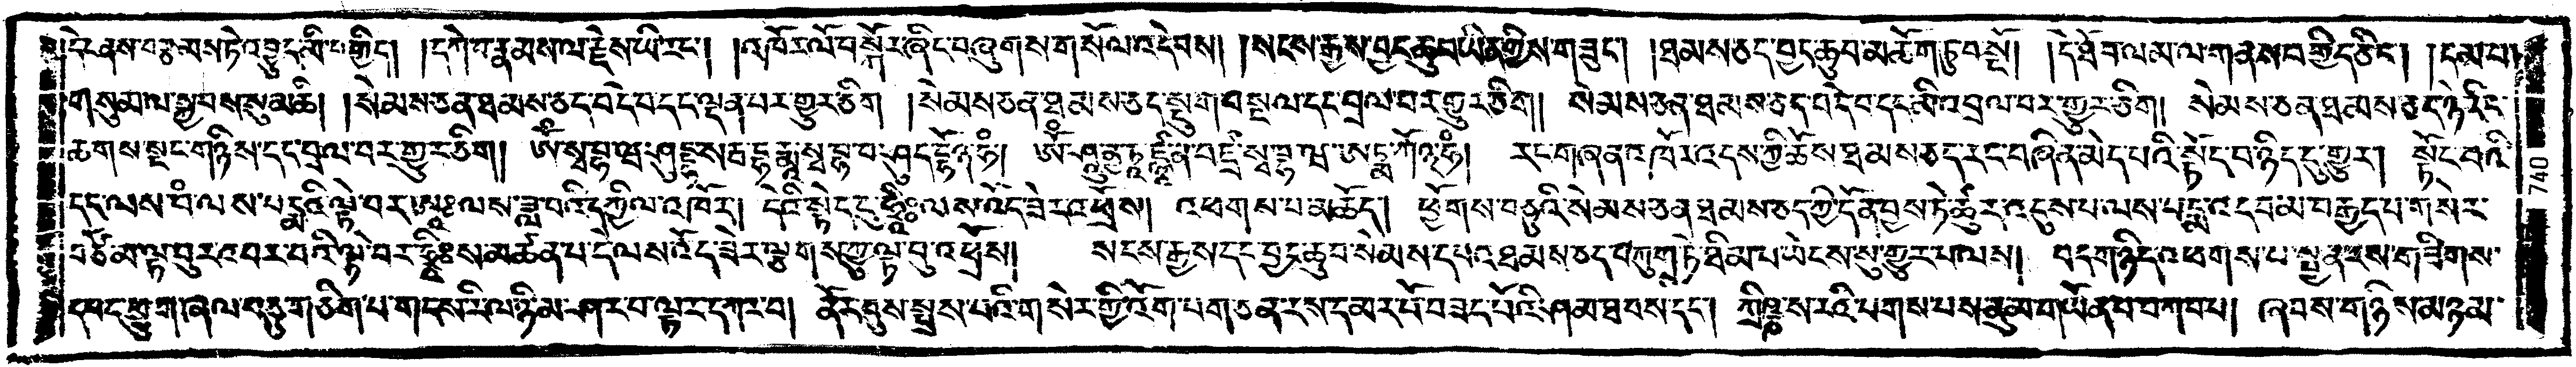དེང་ནས་བཙམས་ཏེ་འབྱུང་མི་བགྱིད། །དགེ་བ་རྣམས་ལ་རྗེས་ཡི་རང་། །འཁོར་ལོ་བསྐོར་ཞིང་བཞུགས་གསོལ་འདེབས། །སངས་རྒྱས་བྱང་ཆུབ་ཡིད་ཀྱིས་གཟུང་། །ཐམས་ཅད་བྱང་ཆུབ་མཆོག་ཏུ་བསྔོ། །དེ་ཐོབ་ལམ་ལ་གནས་བགྱིད་ཅིང་། །དམ་པ་
གསུང་ལ་སྐྱབས་སུ་མཆི། །སེམས་ཅན་ཐམས་ཅད་བདེ་བ་དང་ལྡན་པར་གྱུར་ཅིག །སེམས་ཅན་ཐམས་ཅད་སྡུག་བསྔལ་དང་བྲལ་བར་གྱུར་ཅིག །སེམས་ཅན་ཐམས་ཅད་བདེ་བ་དང་མི་འབྲལ་བར་གྱུར་ཅིག། སེམས་ཅན་ཐམས་ཅད་ཉེ་རིང་
ཆགས་སྡང་གཉིས་དང་བྲལ་བར་གྱུར་ཅིག། ཨོཾ་སྭ་བྷ་ཝ་ཤུདྡྷ་སརྦ་དྷ་རྨཱ་སྭ་བྷ་བ་ཤུད་དྷོ་ཉ་ཧཾ། ཨོཾ་ཤཱུ་ཉ་ཏཱ་ཛྙཱ་ན་བཛྲ་སྭ་བྷ་ཝ་ཨཏྨ་ཀོ་ཉ་ཧཾ། རང་གཞན་འཁོར་འདས་ཀྱི་ཆོས་ཐམས་ཅད་རང་བཞིན་མེད་པའི་སྟོང་བ་ཉིད་དུ་གྱུར། སྟོང་བའི་
དང་ལས་བཾ་ལས་པདམའི་ལྟེ་བར་ཨཱཿ ལས་ཟླ་བའི་དཀྱིལ་འཁོར། དེའི་སྟེད་དུ་ཧྲཱིཿ ལས་འོད་ཟེར་འཕྲོས། འཕགས་པ་མཆོད། ཕྱོགས་བཅུའི་སེམས་ཅན་ཐམས་ཅད་ཀྱི་དོན་བྱས་ཏེ་ཚུར་འདུས་པ་ལས་པདམ་འདབ་མ་བརྒྱད་པ་གསེར་
བཙོ་མ་ལྟ་བུར་འབར་བའི་ལྟེ་བར་ཧྲཱིཿ ས་མཚན་པ་དེ་ལས་འོད་ཟེར་ལྕགས་གྱུ་ལྟ་བུ་འཕྲོས། སངས་རྒྱས་དང་བྱང་ཆུབ་སེམས་དཔའ་ཐམས་ཅད་བཀུགས་ཏེ་ཐིམ་པ་ཡོངས་སུ་གྱུར་པ་ལས། བདག་ཉིད་འཕགས་པ་སྤྱན་རས་གཟིགས་
དབང་ཕྱུག་ཞལ་བཅུ་གཅིག་པ་གངས་རི་ལ་ཉི་མ་ཤར་བ་ལྟར་དཀར་བ། ནོར་བུས་སྤྲས་པའི་གསེར་གྱི་འོག་པ་གཅན་རས་དམར་པོ་བཟང་པོའི་ཤམ་ཐབས་དང་། ཀྲིཥྞ་ས་རའི་?ཕགས་པས་ནུ་མ་གཡོན་པ་བཀབ་པ། ཞབས་གཉིས་མཉམ་